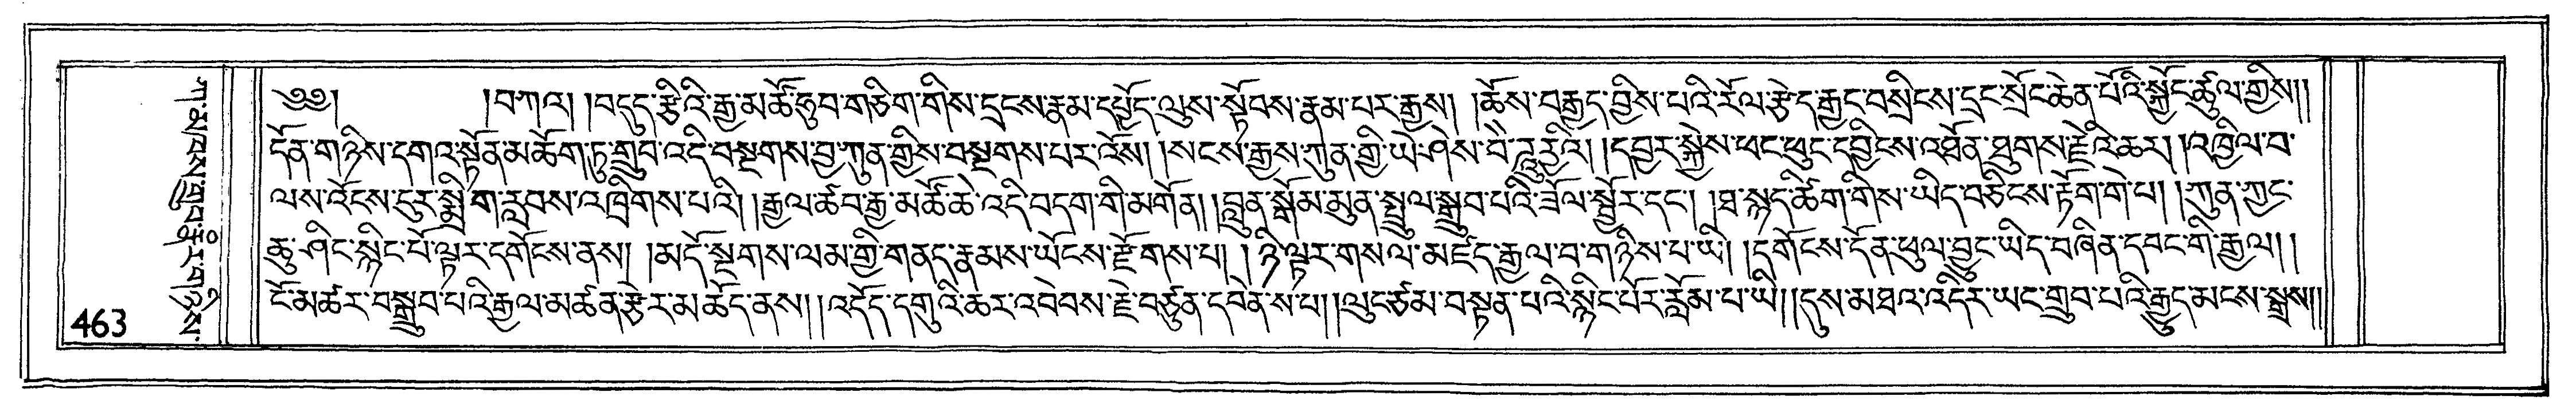༄༅། །བཀའ། །བདུད་རྩིའི་རྒྱ་མཚོ་ཧུབ་གཅིག་གིས་དྲངས་རྣམ་དཔྱོད་ལུས་སྟོབས་རྣམ་པར་རྒྱས། །ཆོས་བརྒྱད་བྱིས་པའི་རོལ་རྩེད་རྒྱང་བསྲིངས་དྲང་སྲོང་ཆེན་པོའི་སྐྱོང་ཚུལ་གྱིས། །
དོན་གཉིས་དགའ་སྟོན་མཆོག་ཏུ་གྲུབ་འདི་བསྔགས་བྱ་ཀུན་གྱིས་བསྔགས་པར་འོས། །སངས་རྒྱས་ཀུན་གྱི་ཡེ་ཤེས་བཻ་ཌཱུརྱའི། །དབྱར་སྐྱེས་ཕང་ཕུང་དབྱིངས་འཐོན་ཐུགས་རྗེའི་ཆར། །འཁྱིལ་བ་
ལས་འོངས་ངུར་སྨྲིག་རླབས་འཁྲིགས་པའི། །རྒྱལ་ཚབ་རྒྱ་མཚོ་ཆེ་འདི་བདག་གི་མགོན། །བླུན་སྒོམ་མུན་སྤྲུལ་སྒྲུབ་པའི་ཟོལ་སྦྱོར་དང་། །ཐ་སྙད་ཚིག་གིས་ཡིད་བཅིངས་རྟོག་གེ་པ། །ཀུན་ཀྱང་
ཆུ་ཤིང་སྙིང་པོ་ལྟར་དགོངས་ནས། །མདོ་སྔགས་ལམ་གྱི་གནད་རྣམས་ཡོངས་རྫོགས་པ། །ཉི་ལྟར་གསལ་མཛད་རྒྱལ་བ་གཉིས་པ་ཡི། །དགོངས་དོན་ཕུལ་བྱུང་ཡིད་བཞིན་དབང་གི་རྒྱལ། །
ངོ་མཚར་བསྒྲུབ་པའི་རྒྱལ་མཚན་རྩེར་མཆོད་ནས། །འདོད་དགུའི་ཆར་འབེབས་རྗེ་བཙུན་དབེན་ས་པ། །ལུང་ཙམ་བསྟན་པའི་སྙིང་པོར་རློབ་པ་ཡི། །དུས་མཐའ་འདིར་ཡང་གྲུབ་པའི་རྒྱུད་མངས་སྒྲས། །